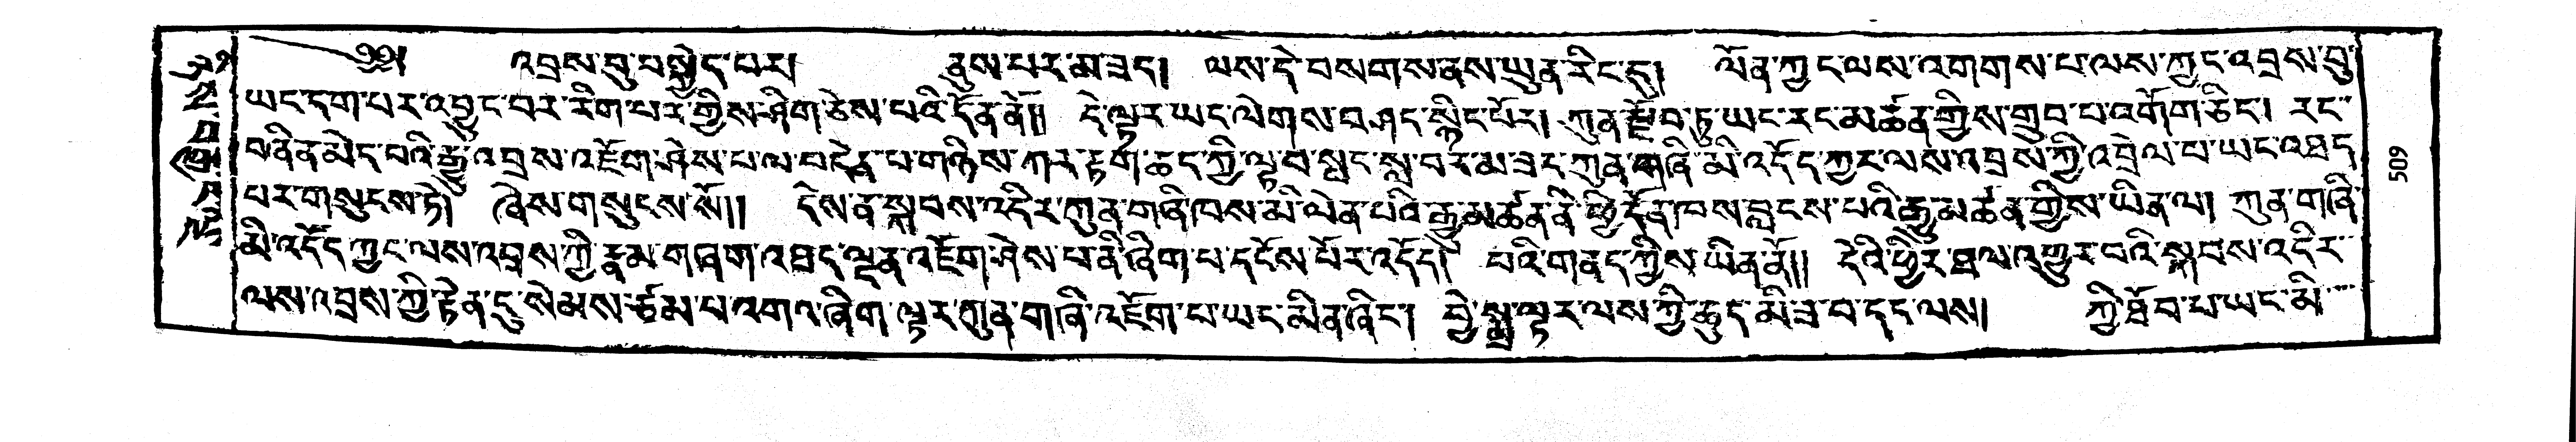༄༅། །འབྲས་བུ་བསྐྱེད་པར། ནུས་པར་མ་ཟད། ལས་དེ་བསགས་ནས་ཡུན་རིང་དུ། ལོན་ཀྱང་ལས་འགགས་པ་ལས་ཀྱང་འབྲས་བུ་
ཡང་དག་པར་འབྱུང་བར་རིག་པར་གྱིས་ཤིག་ཅེས་པའི་དོན་ནོ། །དེ་ལྟར་ཡང་ལེགས་བཤད་སྙིང་པོར། ཀུན་རྫོབ་ཏུ་ཡང་རང་མཚན་གྱིས་གྲུབ་པ་འགོག་ཅིང་། རང་
བཞིན་མེད་པའི་རྒྱུ་འབྲས་འཇོག་ཤེས་པ་ལ་བདེན་པ་གཉིས་ཀར་རྟག་ཆད་ཀྱི་ལྟ་བ་སླང་སླ་བར་མ་ཟད་ཀུན་གཞི་མི་འདོད་ཀྱང་ལས་འབྲས་ཀྱི་འབྲེལ་པ་ཡང་འཐད་
པར་གསུངས་ཏེ། ཞེས་གསུངས་སོ། །དེས་ན་སྐབས་འདིར་ཀུན་གཞི་ཁས་མི་ལེན་པའི་རྒྱུ་མཚན་ནི་ཕྱི་དོན་ཁས་བླངས་པའི་རྒྱུ་མཚན་གྱིས་ཡིན་ལ། ཀུན་གཞི་
མི་འདོད་ཀྱང་ལས་འབྲས་ཀྱི་རྣམ་གཞག་འཐད་ལྡན་འཇོག་ཤེས་པ་ནི་ཞིག་པ་དངོས་པོར་འདོད། པའི་གནད་ཀྱིས་ཡིན་ནོ། །དེའི་ཕྱིར་ཐལ་འགྱུར་བའི་སྐབས་འདིར་
ལས་འབྲས་ཀྱི་རྟེན་དུ་སེམས་ཙམ་པ་འགའ་ཞིག་ལྟར་ཀུན་གཞི་འཇོག་པ་ཡང་མིན་ཞིང་། བྱེ་སྨྲ་ལྟར་ལས་ཀྱི་ཆུད་མི་ཟ་བ་དང་ལས། ཀྱི་ཐོབ་པ་ཡང་མི་